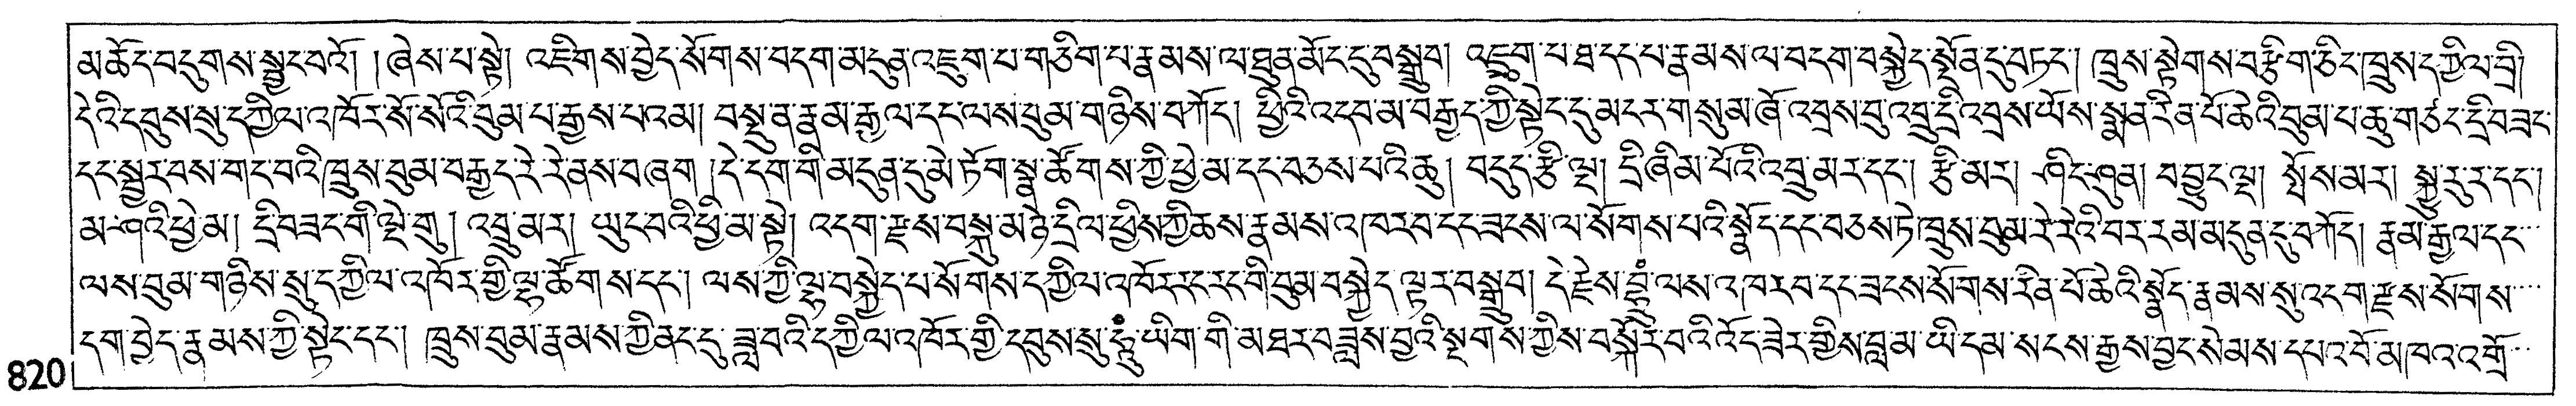མཆོད་བདུགས་སྦྱང་བའོ། །ཞེས་པ་སྟེ། འཇིགས་བྱེད་སོགས་བདག་མདུན་འཇུག་པ་གཅིག་པ་རྣམས་ལ་ཐུན་མོང་དུ་བསྒྲུབ། འཇུག་པ་ཐ་དད་པ་རྣམས་ལ་བདག་བསྐྱེད་སྔོན་དུ་བཏང་། ཁྲུས་སྟེགས་བརྩིག་ཅིང་ཁྲུས་དཀྱིལ་བྲི།
དེའི་དབུས་སུ་དཀྱིལ་འཁོར་སོ་སོའི་བུམ་པ་རྒྱས་པའམ། བསྡུ་ན་རྣམ་རྒྱལ་དང་ལས་བུམ་གཉིས་བཀོད། ཕྱིའི་འདབ་མ་བརྒྱད་ཀྱི་སྟེང་དུ་མངར་གསུམ་ཞོ་འབྲས་བུ་འབྲུ་དྲི་འབྲས་ཡོས་སྨན་རིན་པོ་ཆེའི་བུམ་པ་ཆུ་གཙང་དྲི་བཟང་
དང་སྦྱར་བས་གང་བའི་ཁྲུས་བུམ་བརྒྱད་རེ་རེ་ནས་བཞག །དེ་དག་གི་མདུན་དུ་མེ་ཏོག་སྣ་ཚོགས་ཀྱི་ཕྱེ་མ་དང་བཅས་པའི་ཆུ། བདུད་རྩི་ལྔ། དྲི་ཞིམ་པོའི་འབྲུ་མར་དང་། རྩི་མར། ཤིང་ཤུན། བ་བྱུང་ལྔ། སྤོས་མར། སྐྱུ་རུ་ར་དང་།
མ་ཤའི་ཕྱེ་མ། དྲི་བཟང་གི་ལྡེ་གུ །འབྲུ་མར། ཡུང་བའི་ཕྱི་མ་སྟེ། འདག་རྫས་བསྐུ་མ་ཉེ་དྲིལ་ཕྱིས་ཀྱི་ཆས་རྣམས་འཁར་བ་དང་ཟངས་ལ་སོགས་པའི་སྣོད་དང་བཅས་ཏེ་ཁྲུས་བུམ་རེ་རེའི་བར་རམ་མདུན་དུ་བཀོད། རྣམ་རྒྱལ་དང་
ལས་བུམ་གཉིས་སུ་དཀྱིལ་འཁོར་གྱི་ལྷ་ཚོགས་དང་། ལས་ཀྱི་ལྷ་བསྐྱེད་པ་སོགས་དཀྱིལ་འཁོར་རང་རང་གི་བུམ་བསྐྱེད་ལྟར་བསྒྲུབ། དེ་རྗེས་བྷྲུཾ་ལས་འཁོར་བ་དང་ཟངས་སོགས་རིན་པོ་ཆེའི་སྣོད་རྣམས་སུ་འདག་རྫས་སོགས་
དག་བྱེད་རྣམས་ཀྱི་སྟེང་དང་། ཁྲུས་བུམ་རྣམས་ཀྱི་ནང་དུ་ཟླ་བའི་དཀྱིལ་འཁོར་གྱི་དབུས་སུ་ཧཱུཾ་ཡིག་གི་མཐར་བཟླས་བྱའི་སྔགས་ཀྱིས་བསྐོར་བའི་འོད་ཟེར་གྱིས་བླ་མ་ཡི་དམ་སངས་རྒྱས་བྱངས་སེམས་དཔའ་བོ་མཁའ་འགྲོ་